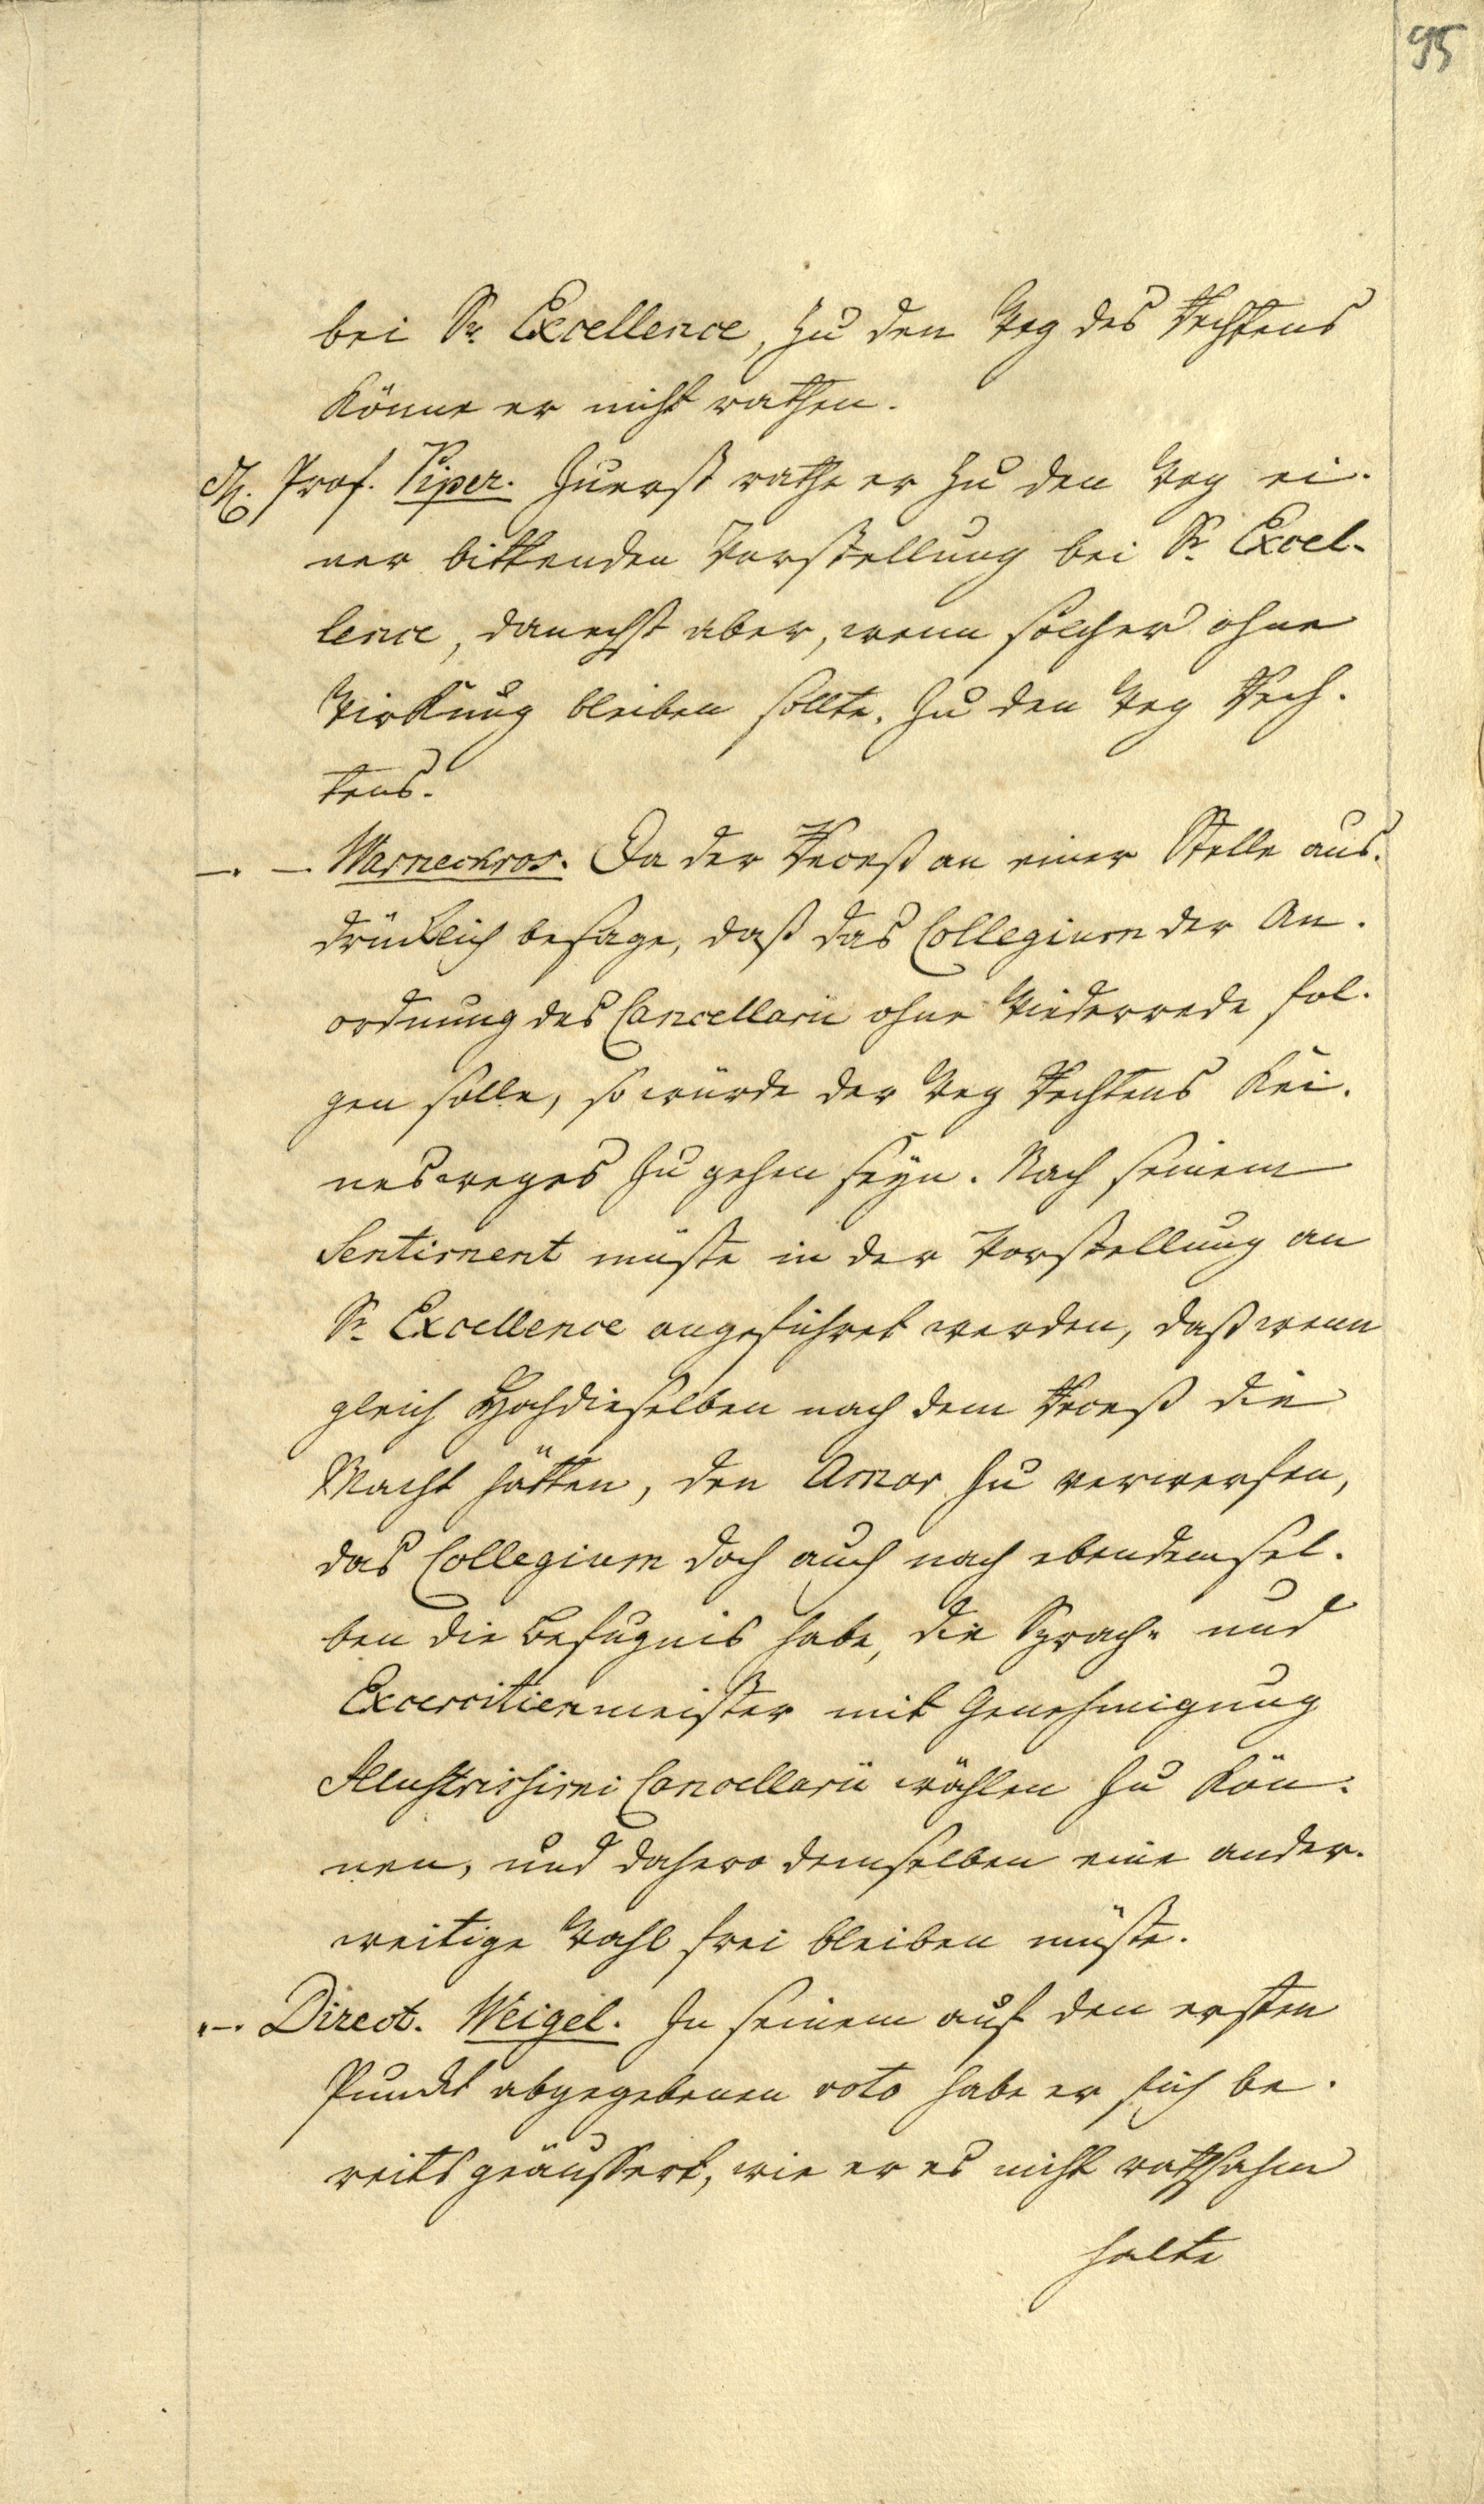bei Sr Excellence, zu den Weg des Rechtens
könne er nicht rathen.
dh. Prof. Piper. Zuerst rathe er zu den Weg ei¬
ner bittenden Vorstellung bei Sr Excel¬
lence, danechst aber, wenn solcher ohne
Wirkung bleiben sollte, zu den Weg Rech¬
tens.
Warneckros. Da der Receß an einer Stelle aus¬
drücklich besage, daß das Collegium der An¬
ordnung des Cancellarii ohne Wiederrede fol¬
gen solle, so würde der Weg Rechtens kei¬
nesweges zu gehen seÿn. Nach seinem
Sentiment müßte in der Vorstellung an
Sr Excellence angeführet werden, daß wenn
gleich Hochdieselben nach dem Receß die
Macht hätten, den Amor zu verwerfen,
das Collegium doch auch nach ebendemsel¬
ben die Befugnis habe die Sprach- und
Excercitienmeister mit Genehmigung
Illustrissimi Cancellarii wählen zu kön¬
nen, und dahero demselben eine ander¬
weitige Wahl frei bleiben müßte.
Direct. Weigel. In seinem auf den ersten
Punckt abgegebenen voto habe er sich be¬
reits geäussert, wie er es nicht rathsahm
halte